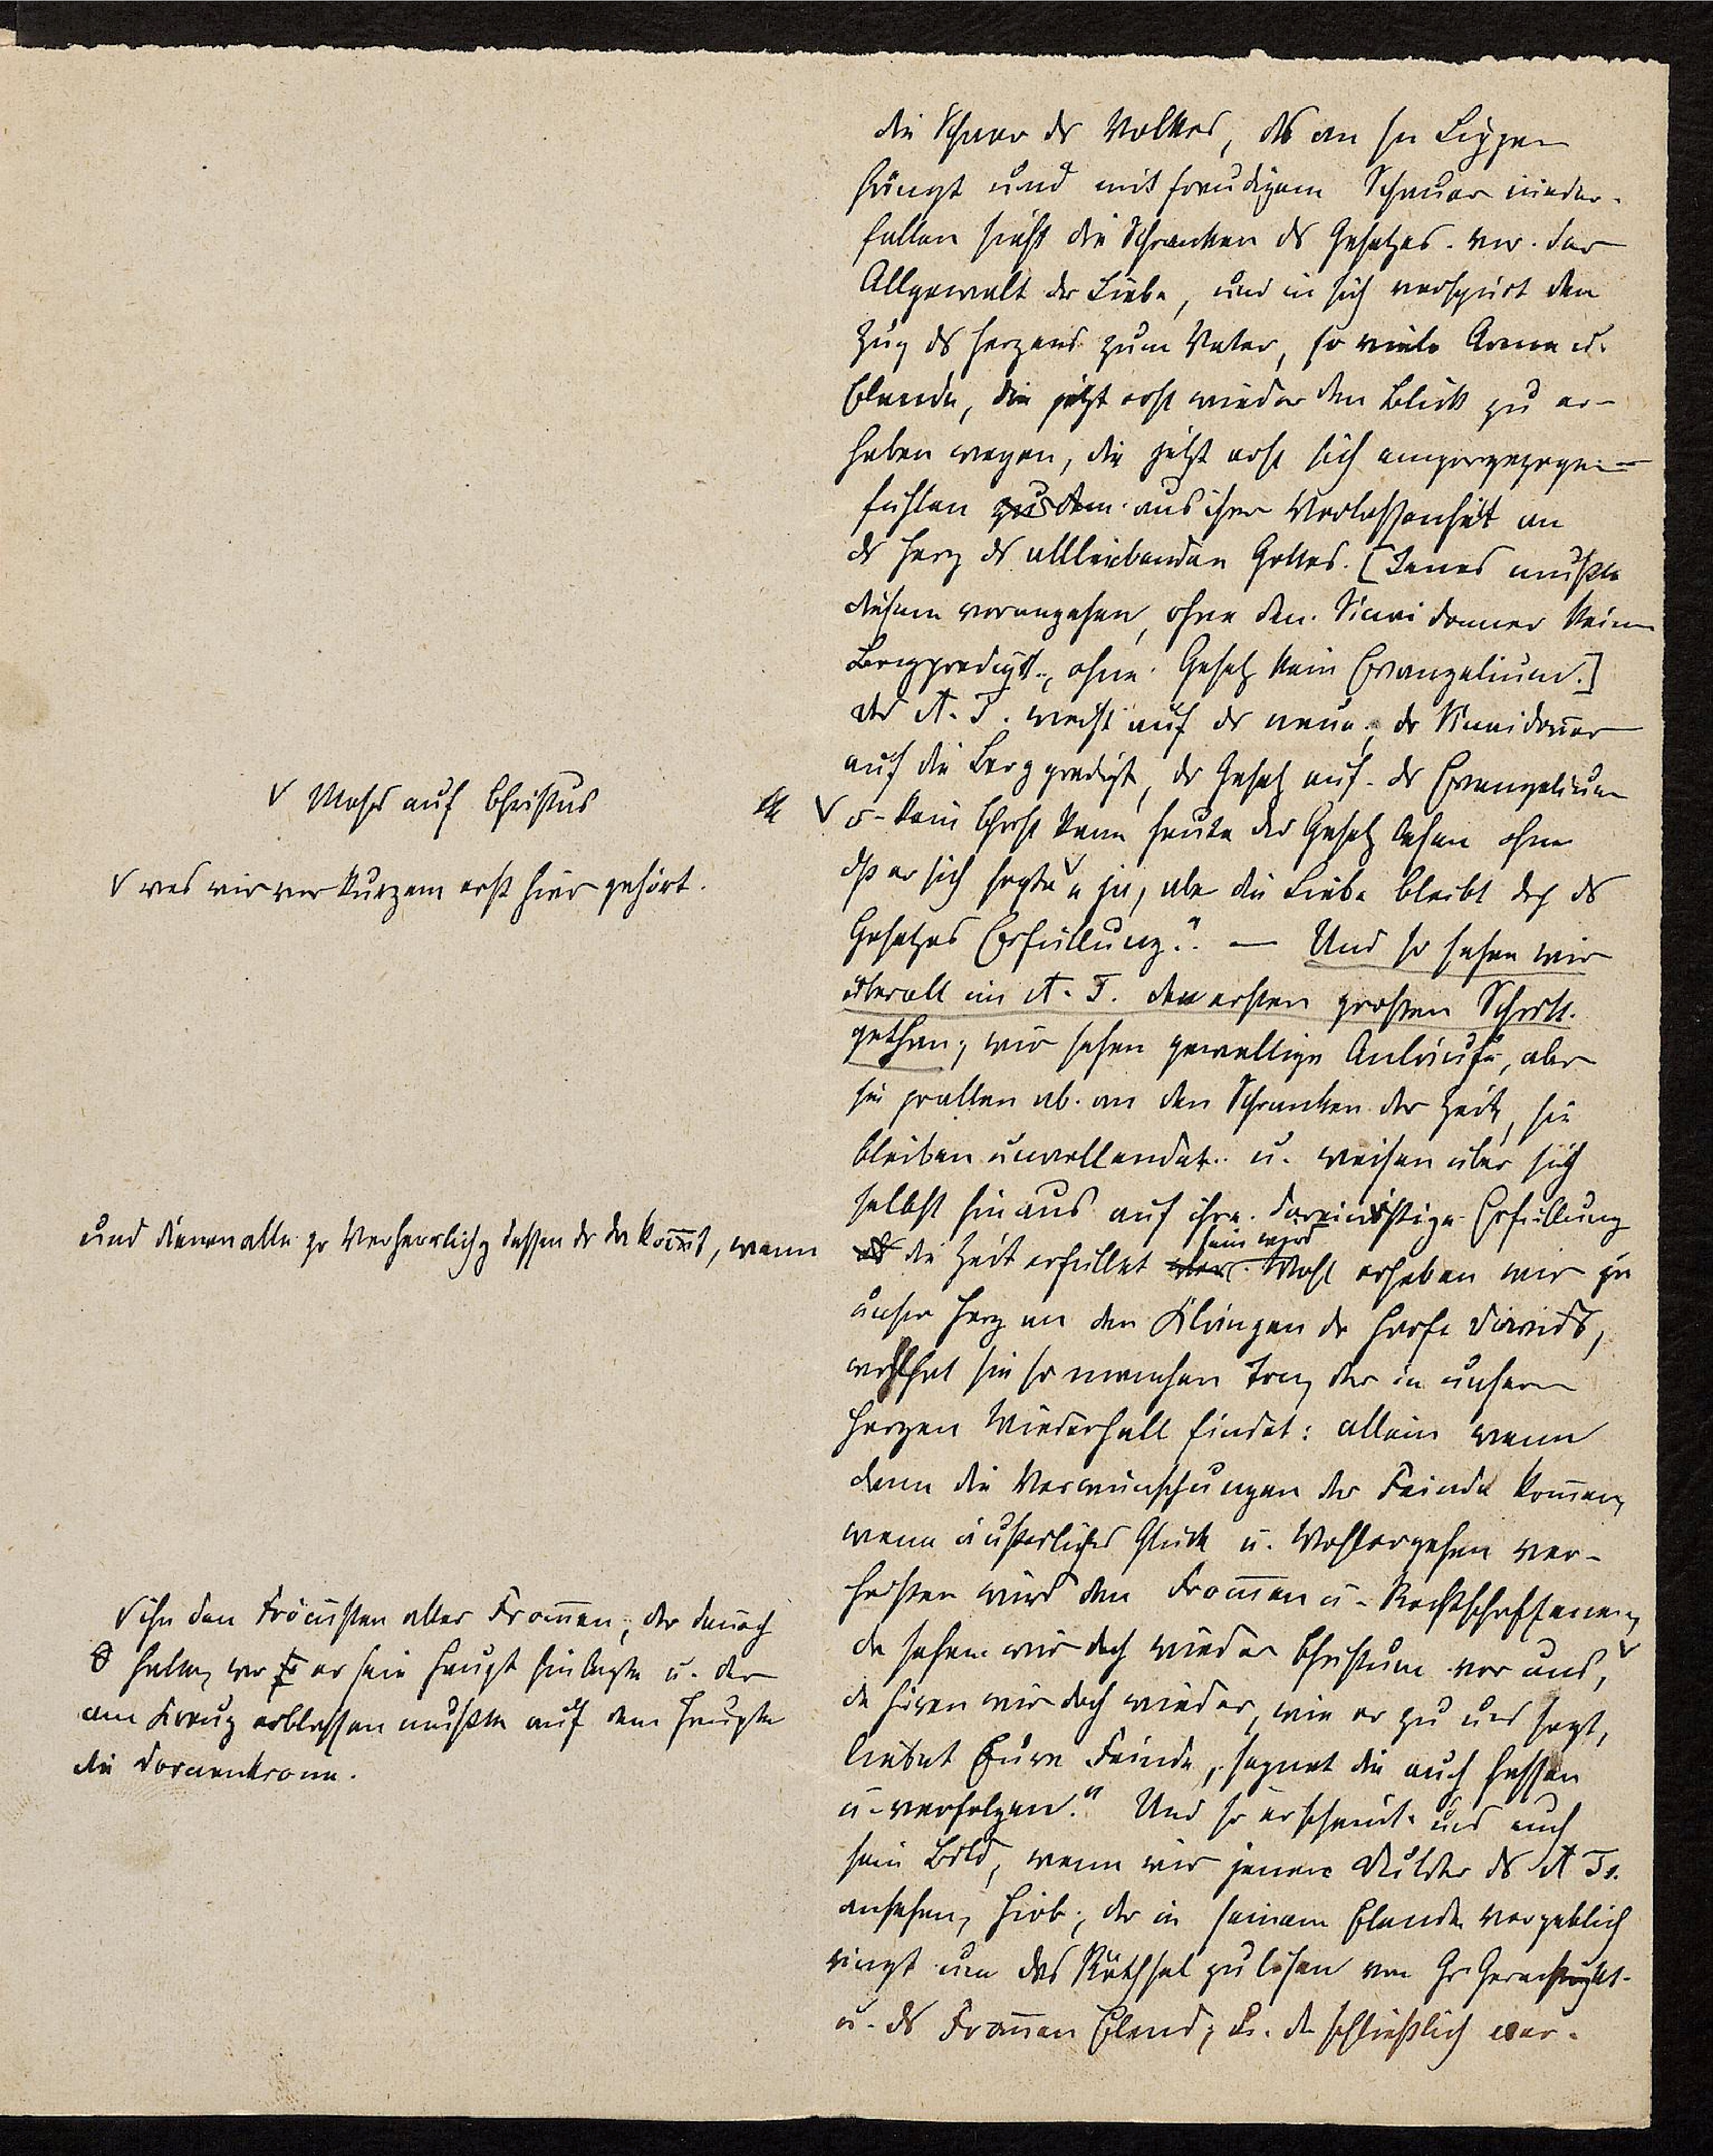die Schaar ds Volkes, ds an sn Lippen
hängt und mit freudiem Schauer nieder¬
fallen sieht die Schranken ds Gesetzes. vor. der
Allgewalt der Liebe, und in sich verspürt den
Zug ds Herzens zum Vater, so viele Arme u.
Elende, die jetzt erst wieder den Blick zu er¬
heben wagen, die jetzt erst sich emporgezogen
fühlten zu dem aus ihrer Verlassenheit an
ds Herz ds allliebenden Gottes. [Jenes mußte
diesem vorangehen, ohne den Sinaidonner keine
Bergpredigt, ohne Gesetz kein Evangelium.]
Das A.T. weist auf dr neue; dr Sinaidoner
auf die Bergpredigt, ds Gesetzt auf. ds Evangelium
V Mnss auf Christus
1 V u. kein Christ kann heute ds Gesetz lesen ohne
dß er sich fragte "ja, aber die Liebe bleibt doch ds
V was wir vor kurzem erst hier gehört.
Gesetzes Erfüllung." _ Und so sehen wir
überall im A. T. den ersten großen Schritt
gethan, wir sehen gewaltig Anläufe, aber
sie prallen ab. an den Schranken der Zeit, sie
bleiben unvollendet u. weisen über sich
selbst hinaus auf ihre dereinstige Erfüllung
sein wird
und dienen alle zr. Verherrlichg. dessen dr da komt, wenn
als die Zeit erfüllet war. Wohl erheben wir ja
unsr Herz den Klängen dr Harfe Davids,
wohl hat sie so manchen Ton, dr in unsern
Herzen Wiederhall findet: allein wenn
denn die Verwünschungen dr Feinde komen,
wenn äußerliches Glück u. Wohlergehen ver¬
heißen wird dam Fromen u. Rechtschaffenen,
V ihn den Frömsten aller Fromen, der denoch
da sehen wir dch wieder Christum vor aus,
o halten, wo f er seie Herz hinlegte u. der
da hören wir doch wieder, wie er zu uns sagt,
am Kreuz erblassen mußte auf dem Haupte
liebet Eure Feinde, segnet die auch hassen
die Dornenkrone.
u. verfolgen." Und so erscheint uns auch
sein Bild, wenn wir jenen Dulder ds A.Ts.
ansehen, Hiob, der in seinem Elende vergeblich
ringt um, das Rätssel zu lösen von Go. Gerechtigkt.
u ds Fromen Elend, u. de. schließlich ver¬